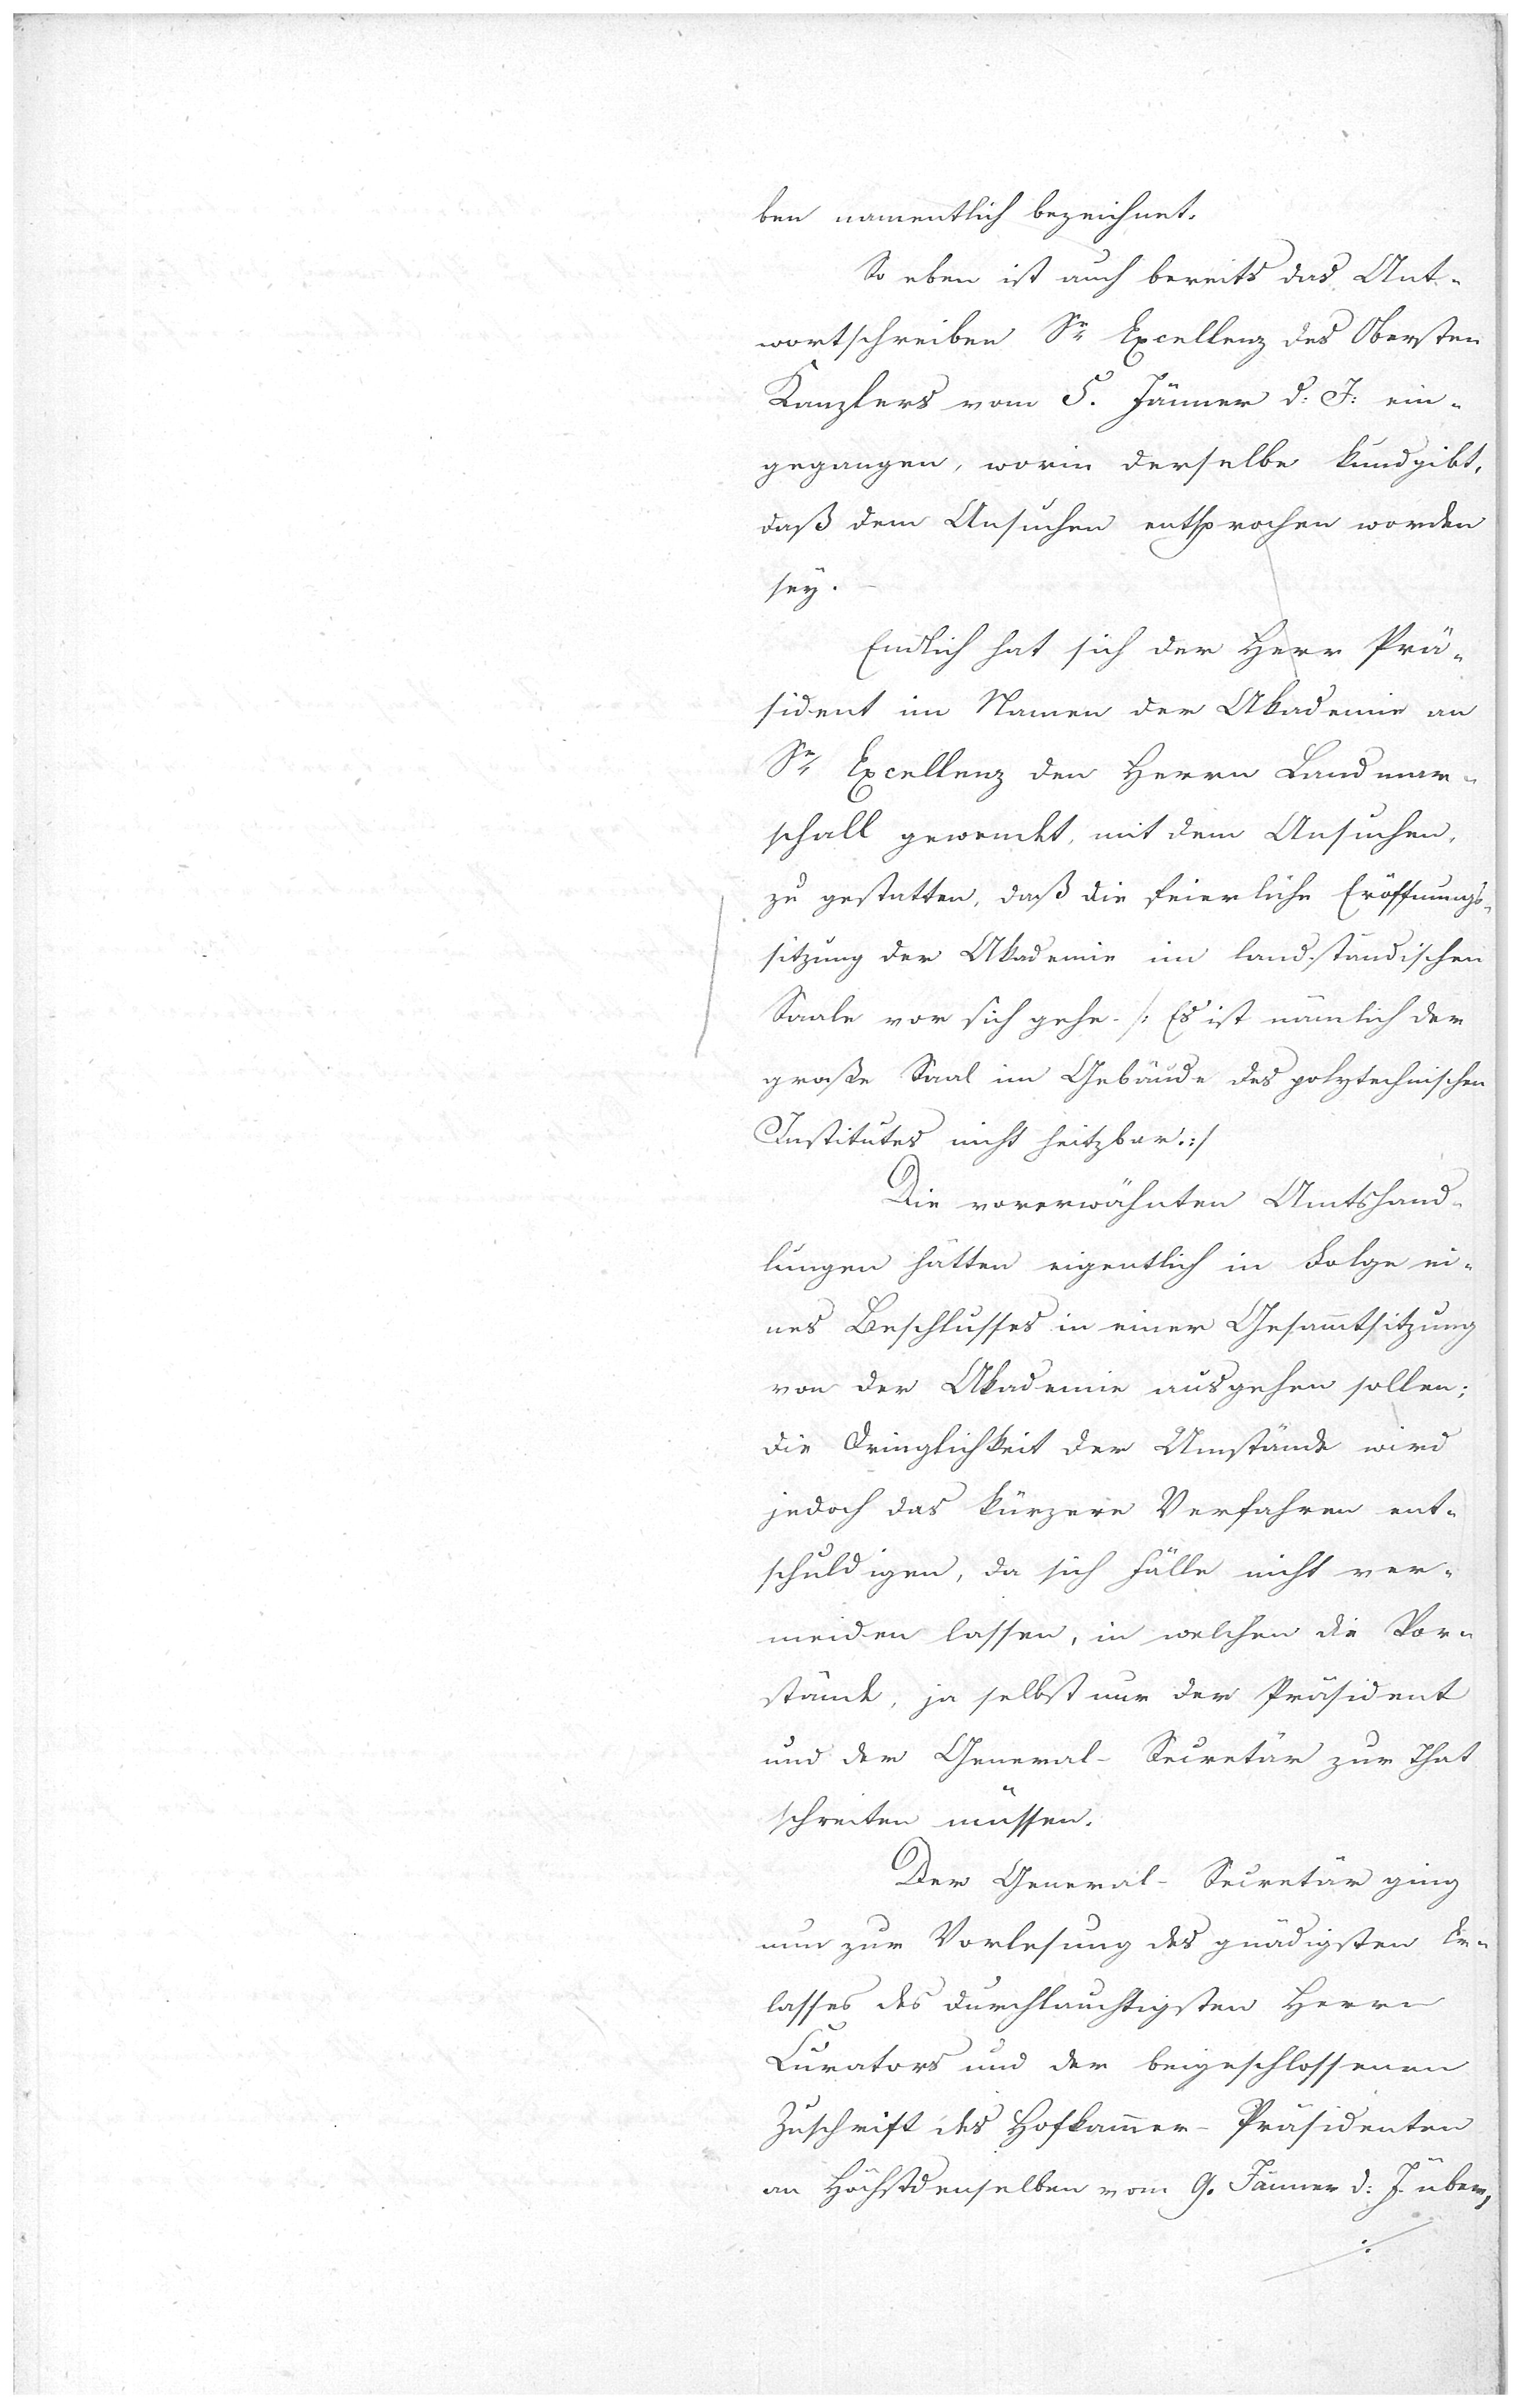ben namentlich bezeichnet.
So eben ist auch bereits das Ant-
wortschreiben Sr. Excellenz des Obersten
Kanzlers vom 5. Jänner d. J. ein-
gegangen, worin derselbe kundgibt,
daß dem Ansuchen ensprochen worden.
sey.
Endlich hat sich der Herr Prä-
sident im Namen der Akademie an
Sr. Excellent den Herrn Landmar-
schall gewendet, mit dem Ansuchen,
zu gestatten, daß die feierliche Eröffnungs-
sitzung der Akademie im landständischen
Saale vor sich gehe. (Es ist nämlich der
große Saal im Gebäude des polytechnischen
Institutes nicht heitzbar.)
Die vorerwähnten Amtshand-
lungen hätten eigentlich in Folge ei-
nes Beschlusses in einer Gesammtsitzung
von der Akademie ausgehen sollen;
die Dringlichkeit der Umstände wird
jedoch das kürzere Verfahren ent-
schuldigen, da sich Fälle nicht ver-
meiden lassen, in welchen die Vor-
stände, ja selbst nur der Präsident
und der General-Secretär zur That
schreiten müssen.
Der General-Secretär ging
nun zur Vorlesung des gnädigsten Er-
lasses des durchlauchtigsten Herrn
Curator und der beigeschlossenen
Zuschrift des Hofkammer-Präsidenten
an Höchstdenselben vom 9. Jänner d. J. über